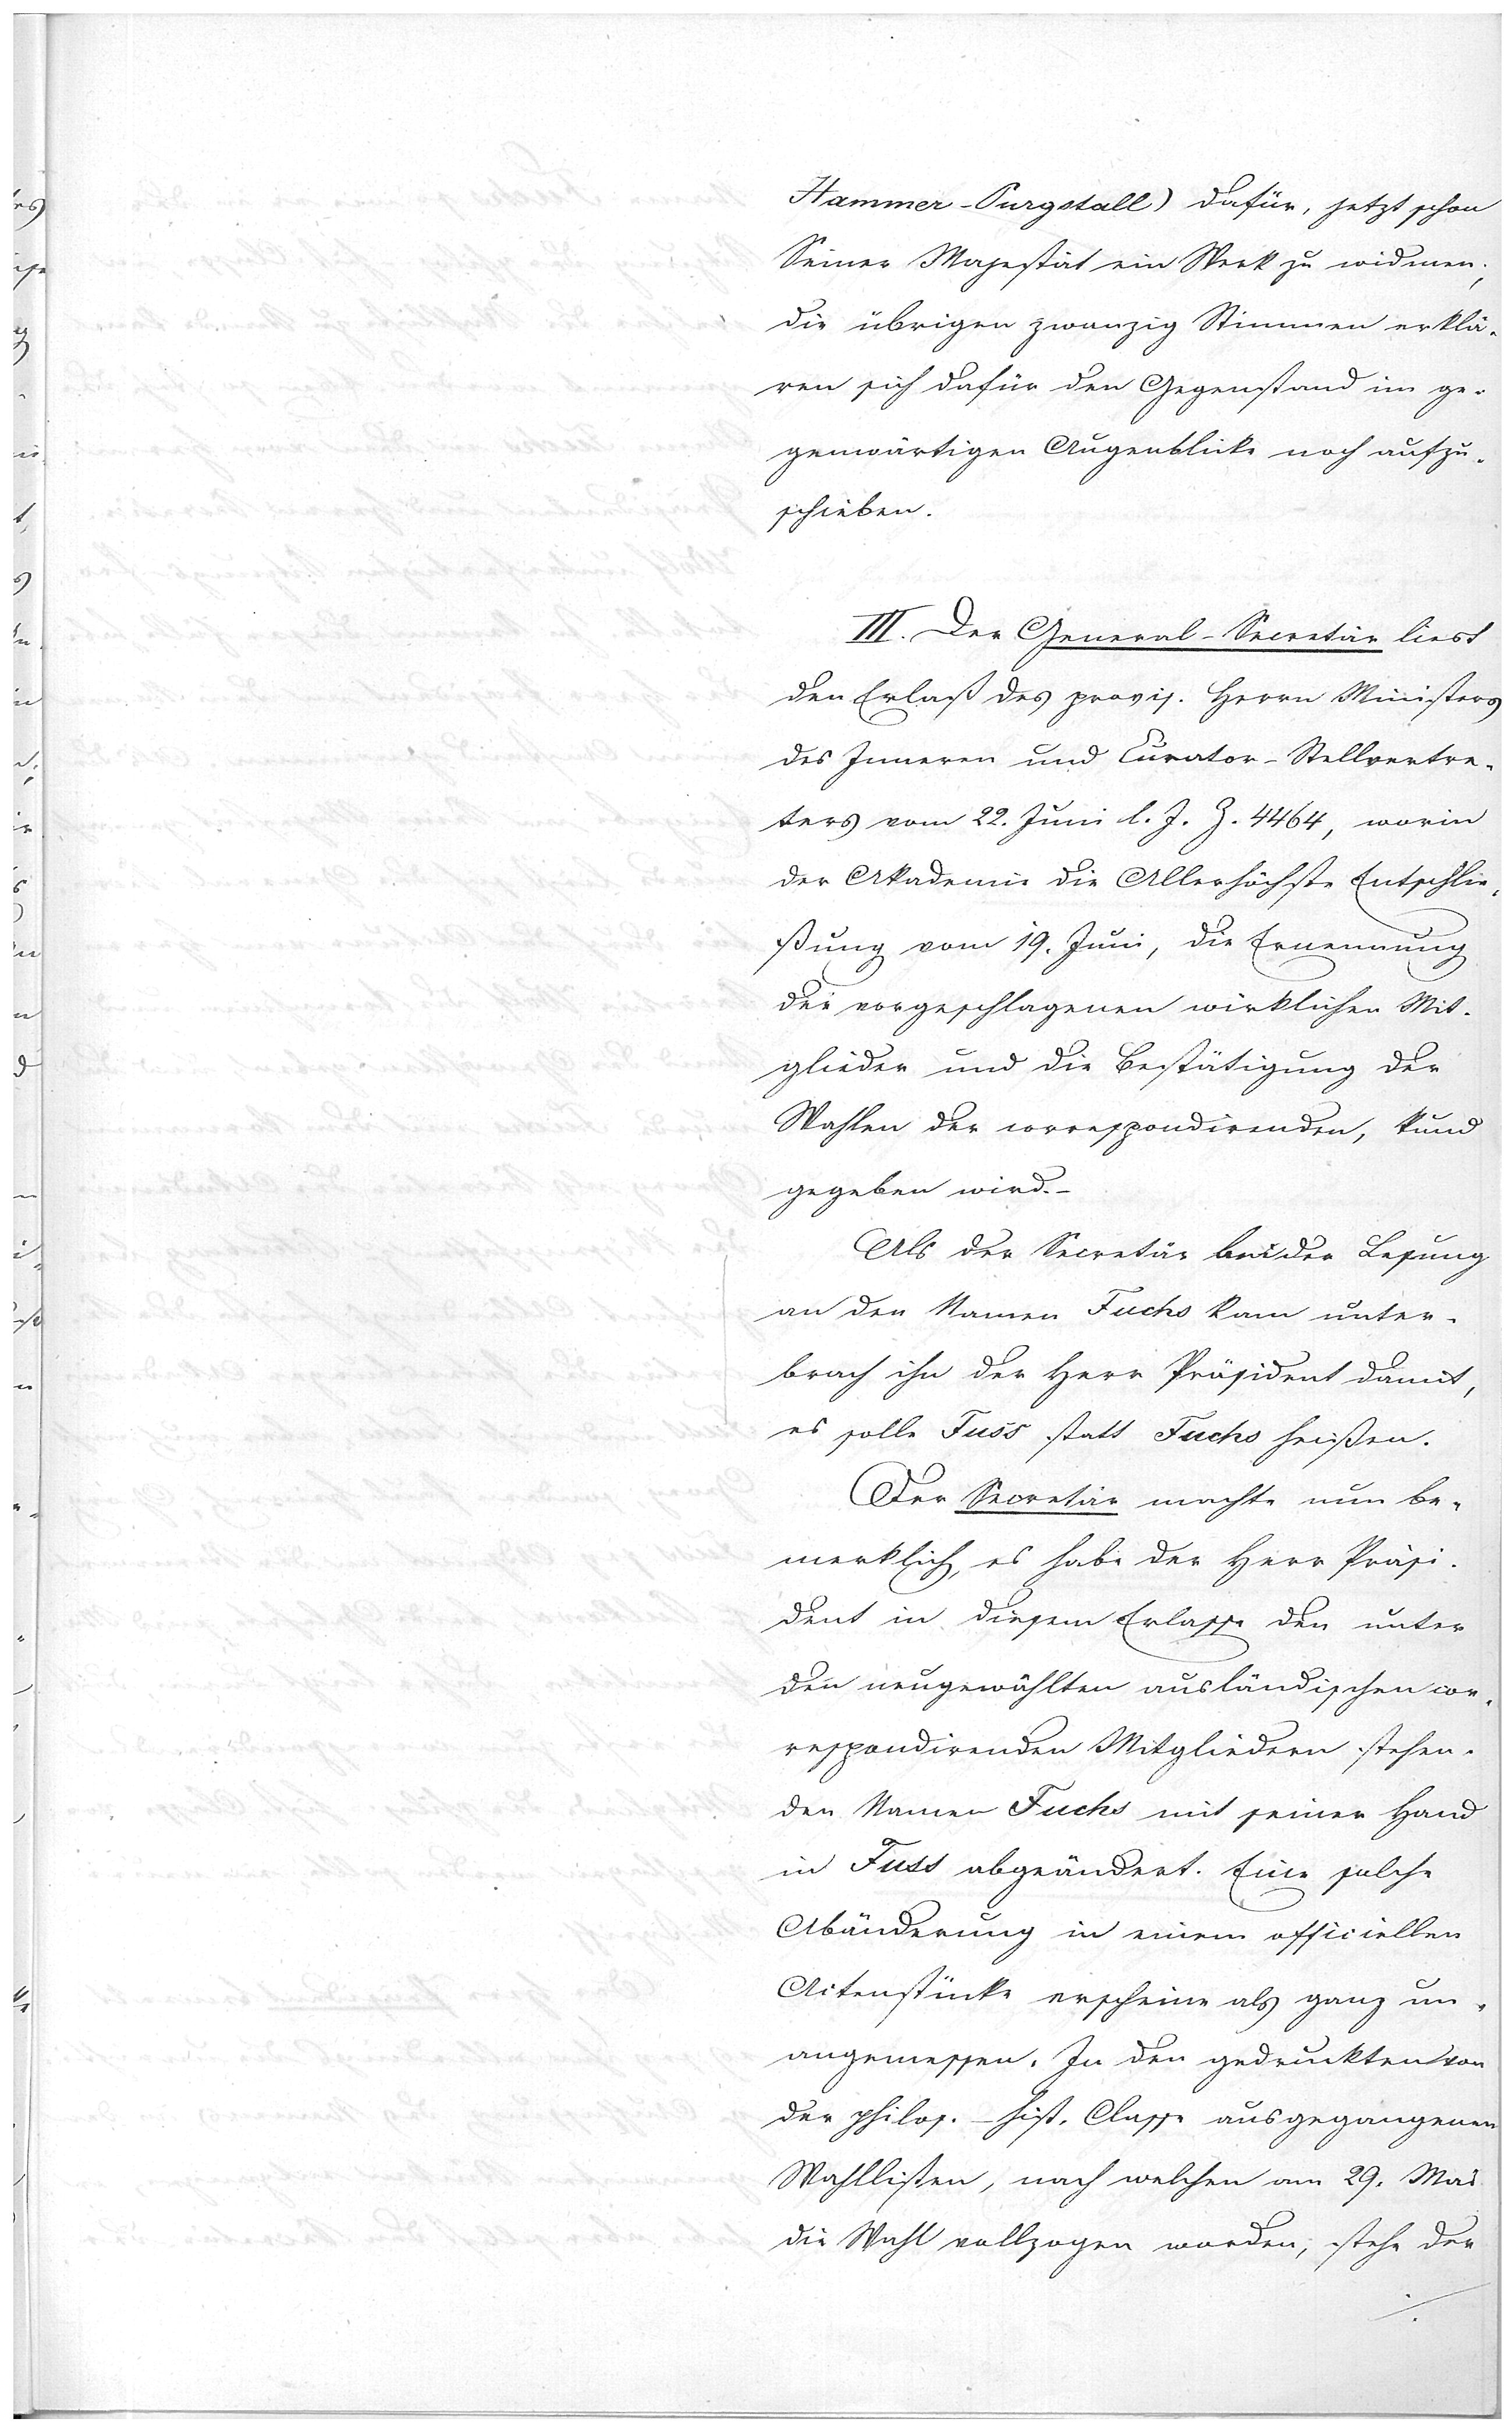Hammer-Purgstall) dafür, jetzt schon
Seiner Majestät ein Werk zu widmen;
die übrigen zwanzig Stimmen erklä-
ren sich dafür den Gegenstand im ge-
genwärtigen Augenblicke noch aufzu-
schieben.
III Der General-Secretär liest
den Erlaß des provis. Herrn Ministers
des Inneren und Curator-Stellvertre-
ters vom 22. Juni l. J. Z. 4464, worin
der Akademie die Allerhöchste Entschlie-
sung vom 19. Juni, die Ernennung
der vorgeschlagenen wirklichen Mit-
glieder und die Bestätigung der
Wahlen der correspondirenden, kund
gegeben wird.
Als der Secretär bei der Lesung
an den Namen Fuchs kam unter-
brach ihn der Herr Präsident damit,
es solle Fuss statt Fuchs heißen.
Der Secretär machte nun be-
merklich, es habe der Herr Präsi-
dent in diesem Erlasse den unter
den neugewählten ausländischen cor-
respondirenden Mitgliedern stehen,
den Namen Fuchs mit seiner Hand
in Fuss abgeändert. Eine solche
Abänderung in einem officiellen
Actenstücke erscheine als ganz un-
angemessen. In den gedruckten von
der philos.-hist. Classe ausgegangenen
Wahllisten, nach welchen am 29. Mai
die Wahl vollzogen worden, stehe der